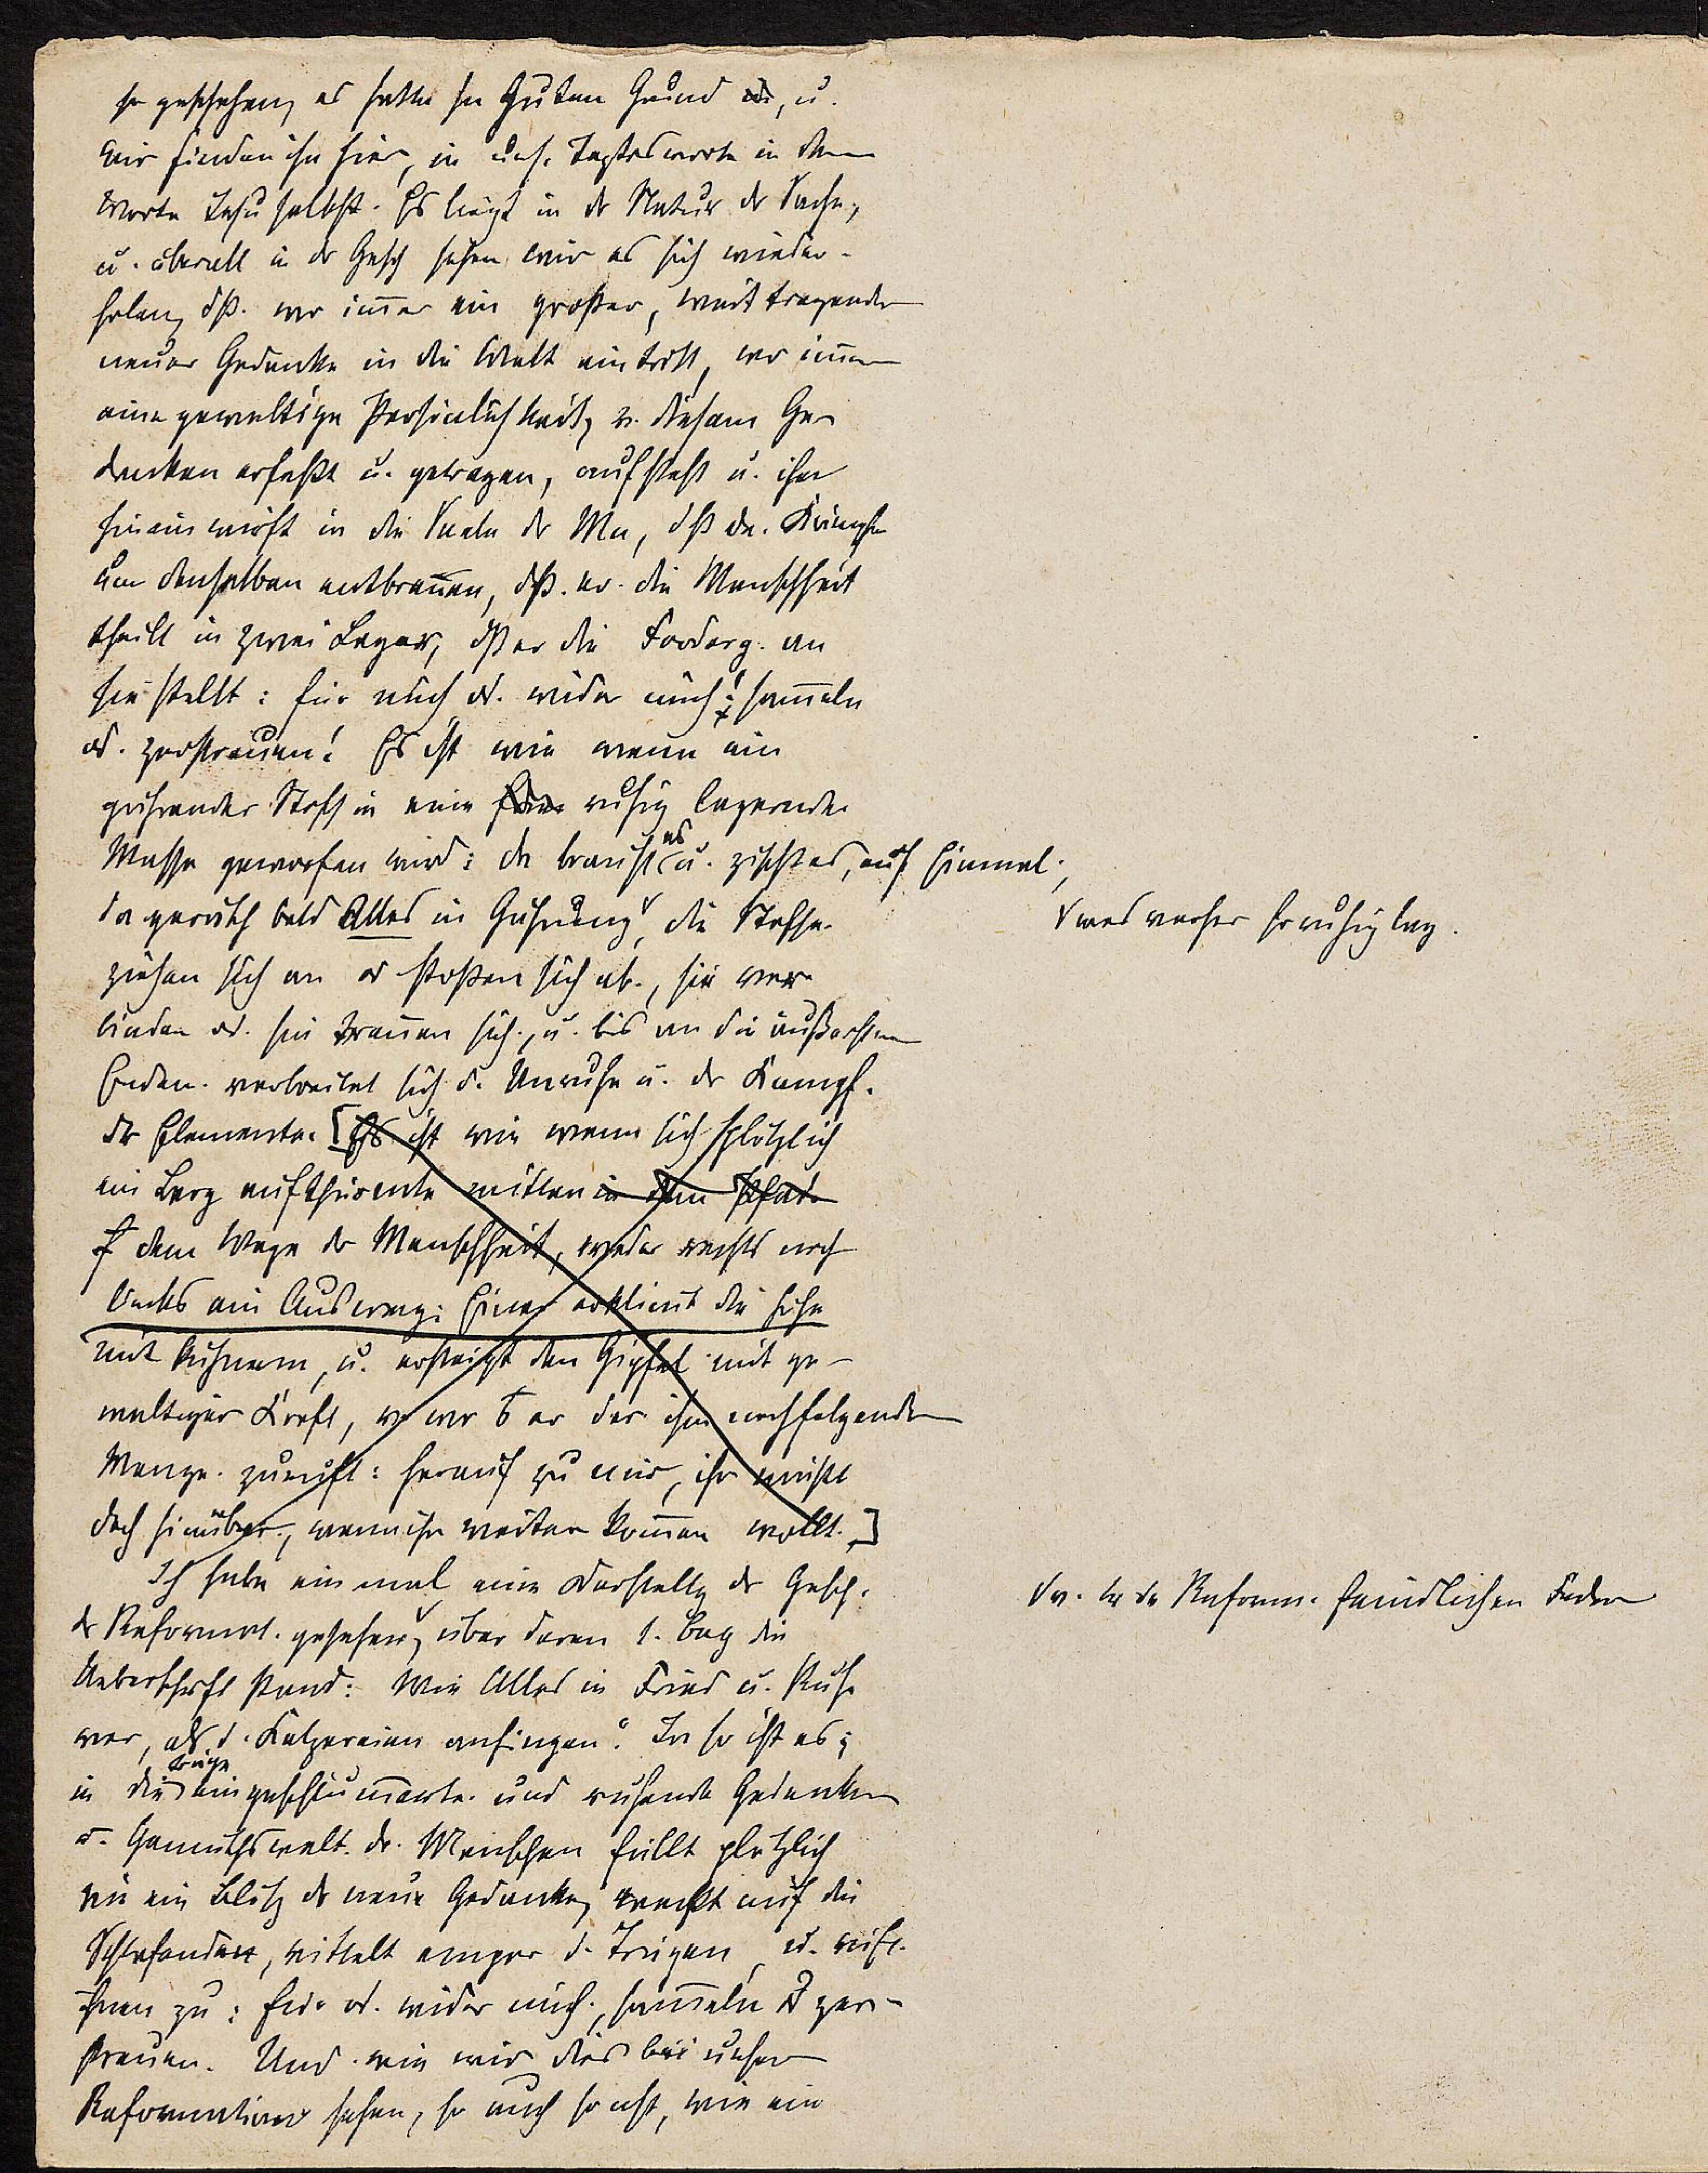so geschehen, es hatte sn Guten Grund in, u.
wir finden ihn hier, in uns. Textesworte in dem
Worte Jesu selbst. Es liegt in dr Natur dr Sache,
u. überall in der Gesch sehen wir es sich wieder¬
holen, dß wo imer ein großer, weittragender
neuer Gedanke in die Welt eintritt, wo imer
eine gewaltige Persönlichkeit, v diesem Ge¬
danken erfaßt u getragen, aufsteht u. ihn
hineinwirft in die Seele dr Mn, dß da Kämpfe
um denselben entbrenen, daß er die Menschheit
theilt in zwei Lager, dß er die Forderg an
sie stellt: für mich od. wider mich! sameln
od. zerstreuen! Es ist wie wenn ein
gährender Stoff in eine for ruhig lagernde
es
Masse geworfen wir: da braust (u. zischt es, auf Himmel;
da gerräth bald Alles in Gährung, die Stoffe
was vorher so ruhig lag
ziehen sich an od stoßen sich ab, sie ver¬
binden od sie trenen sich, u bis an die äußersten
Enden verbreitet sich d. Unruhe u. dr Kampf.
dr Elemente. [Es ist wie wenn sich plötzlich
ein Berg aufthürmte mitten in dem Pfad
f dem Wege dr Menschheit, weder rechts noch
links ein Ausweg: Einer erklimt die Höhe
mit Stöhnen, u. ersteigt den Gipfel mit ge¬
waltiger Kraft, v. wo s er der ihm nachfolgende
Menge zureicht: herauf zu nur, ihr müßt
doch hinüber, wenn ihr weiter komen wollt.]
Ich habe einmal eine Dastellg dr Gesch.
V v 1r dr Reform. feindlichen Feder
dr Reformat. gesehen, über deren 1. Cap. die
Ueberschrift stand: Wie Alles in Fried u. Ruhe
war, als d. Ketzerein anfingen." Ja so ist es;
träge
in die eingeschlumerte und ruhende Gedanken
u. Gemüthswelt dr. Menschn fällt plötzlich
ein ein Blitz dr neue Gedanke, wacht auf die
Schlafenden, rüttelt empor d. Trägen, u. ruft
ihnen zu: Für od. wider mich, sameln u. zer¬
streue. Und wie wir dies bei unser
Reformation sehen, so auch so erst, wie ein